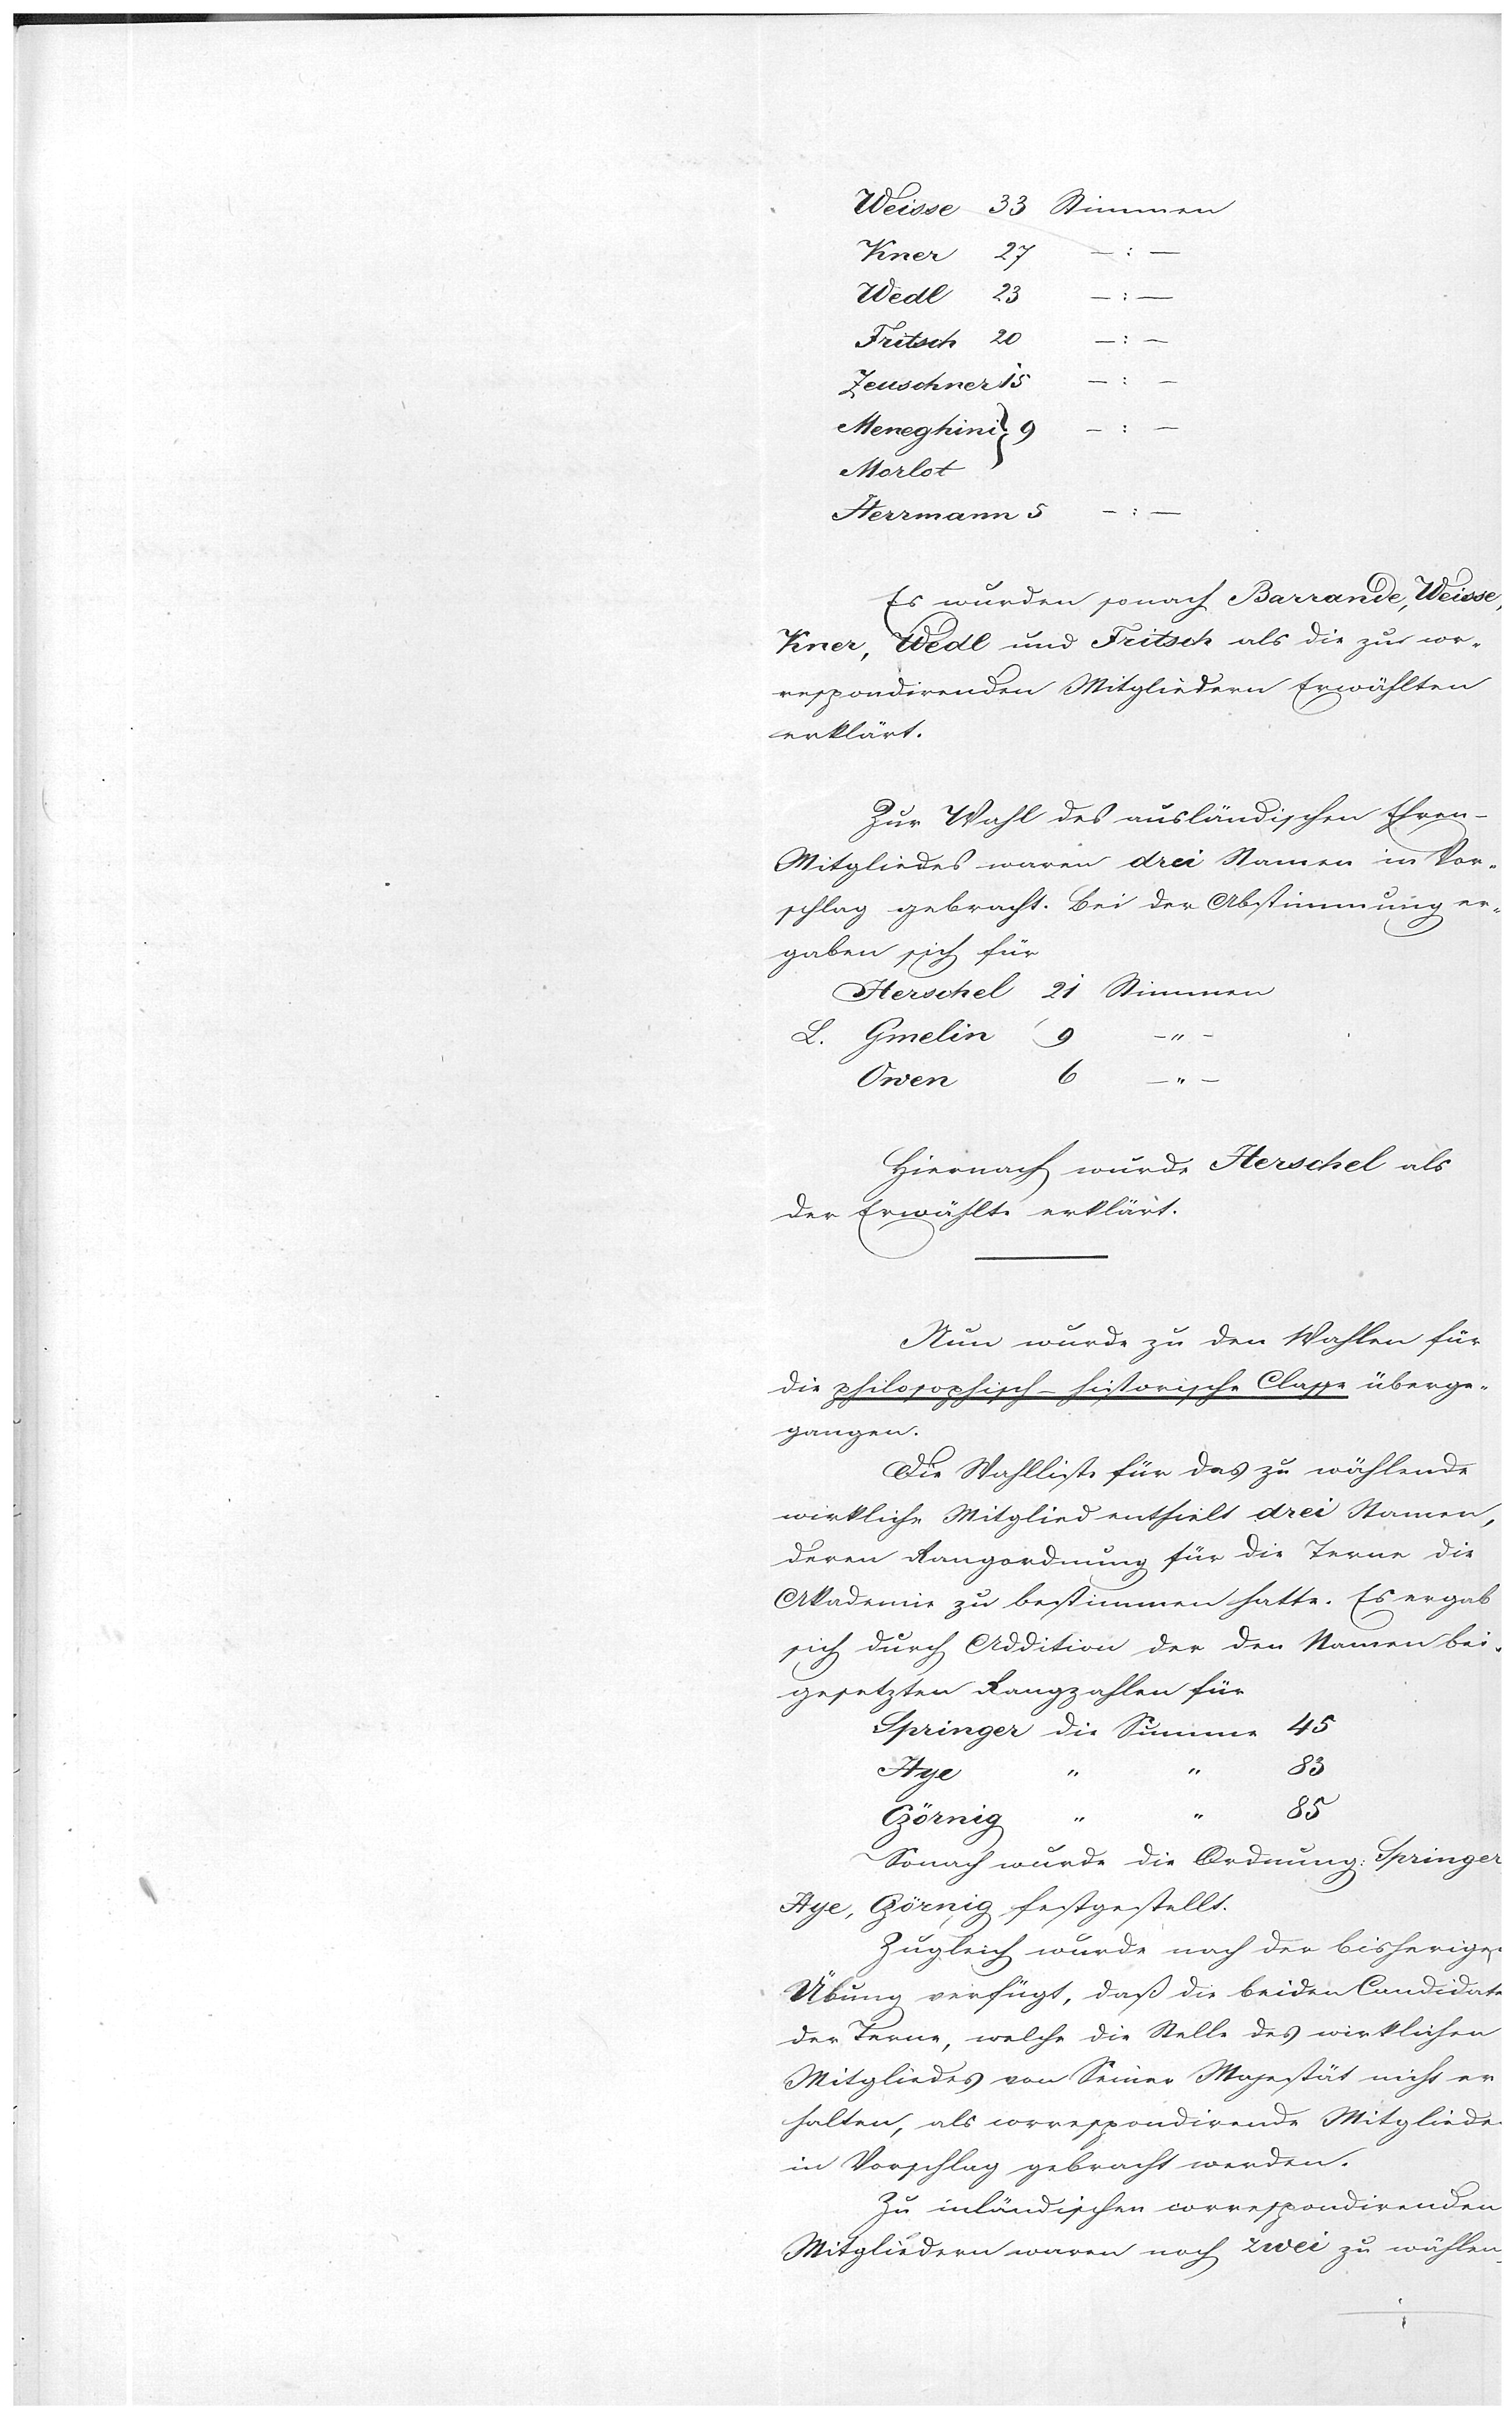Weise 33 Stimmen
Kner 27 - : -
Wedl 23 - : -
Fritsch 20 - : -
Zeuschner 15 - : -
Meneghini 9 - : -
Morlot 9 - : -
Hermann 5 - : -
Es wurden sonach Barrande, Weisse,
Kner, Wedl und Fritsch als die zu cor-
respondirenden Mitgliedern Erwählten
erklärt.
Zur Wahl des ausländischen Ehren
Mitgliedes waren drei Namen in Vor-
schlag gebracht. Bei der Abstimmung er-
gaben sich für
Herschel 21 Stimmen
L. Gmelin 9 - "-
Owen 6 - " -
Hiernach wurde Herschel als
der Erwählte erklärt.
Nun wurde zu den Wahlen für
die philosophischen-historische Classe überge-
gangen.
Die Wahlliste für das zu wählende
wirkliche Mitglied enthielt drei Namen,
deren Rangordnung für die Terne die
Akademie zu bestimmen hatte. Es ergab
sich durch Addition der den Namen bei-
gesetzte Rangzahlen für
Springer die Summe 45
Hye " " 83
Czörnig " " 85
Sonach wurde die Ordnung: Springer,
Hye, Czörnig festgestellt.
Zugleich wurde nach der bisherigen
Übung verfügt, daß die beiden Candidaten
der Terne, welche die Stelle des wirklichen
Mitgliedes von Seiner Majestät nicht er-
halten, als correspondirende Mitglieder
in Vorschlag gebracht werden.
Zu inländischen correspondirenden
Mitgliedern waren noch zwei zu wählen,